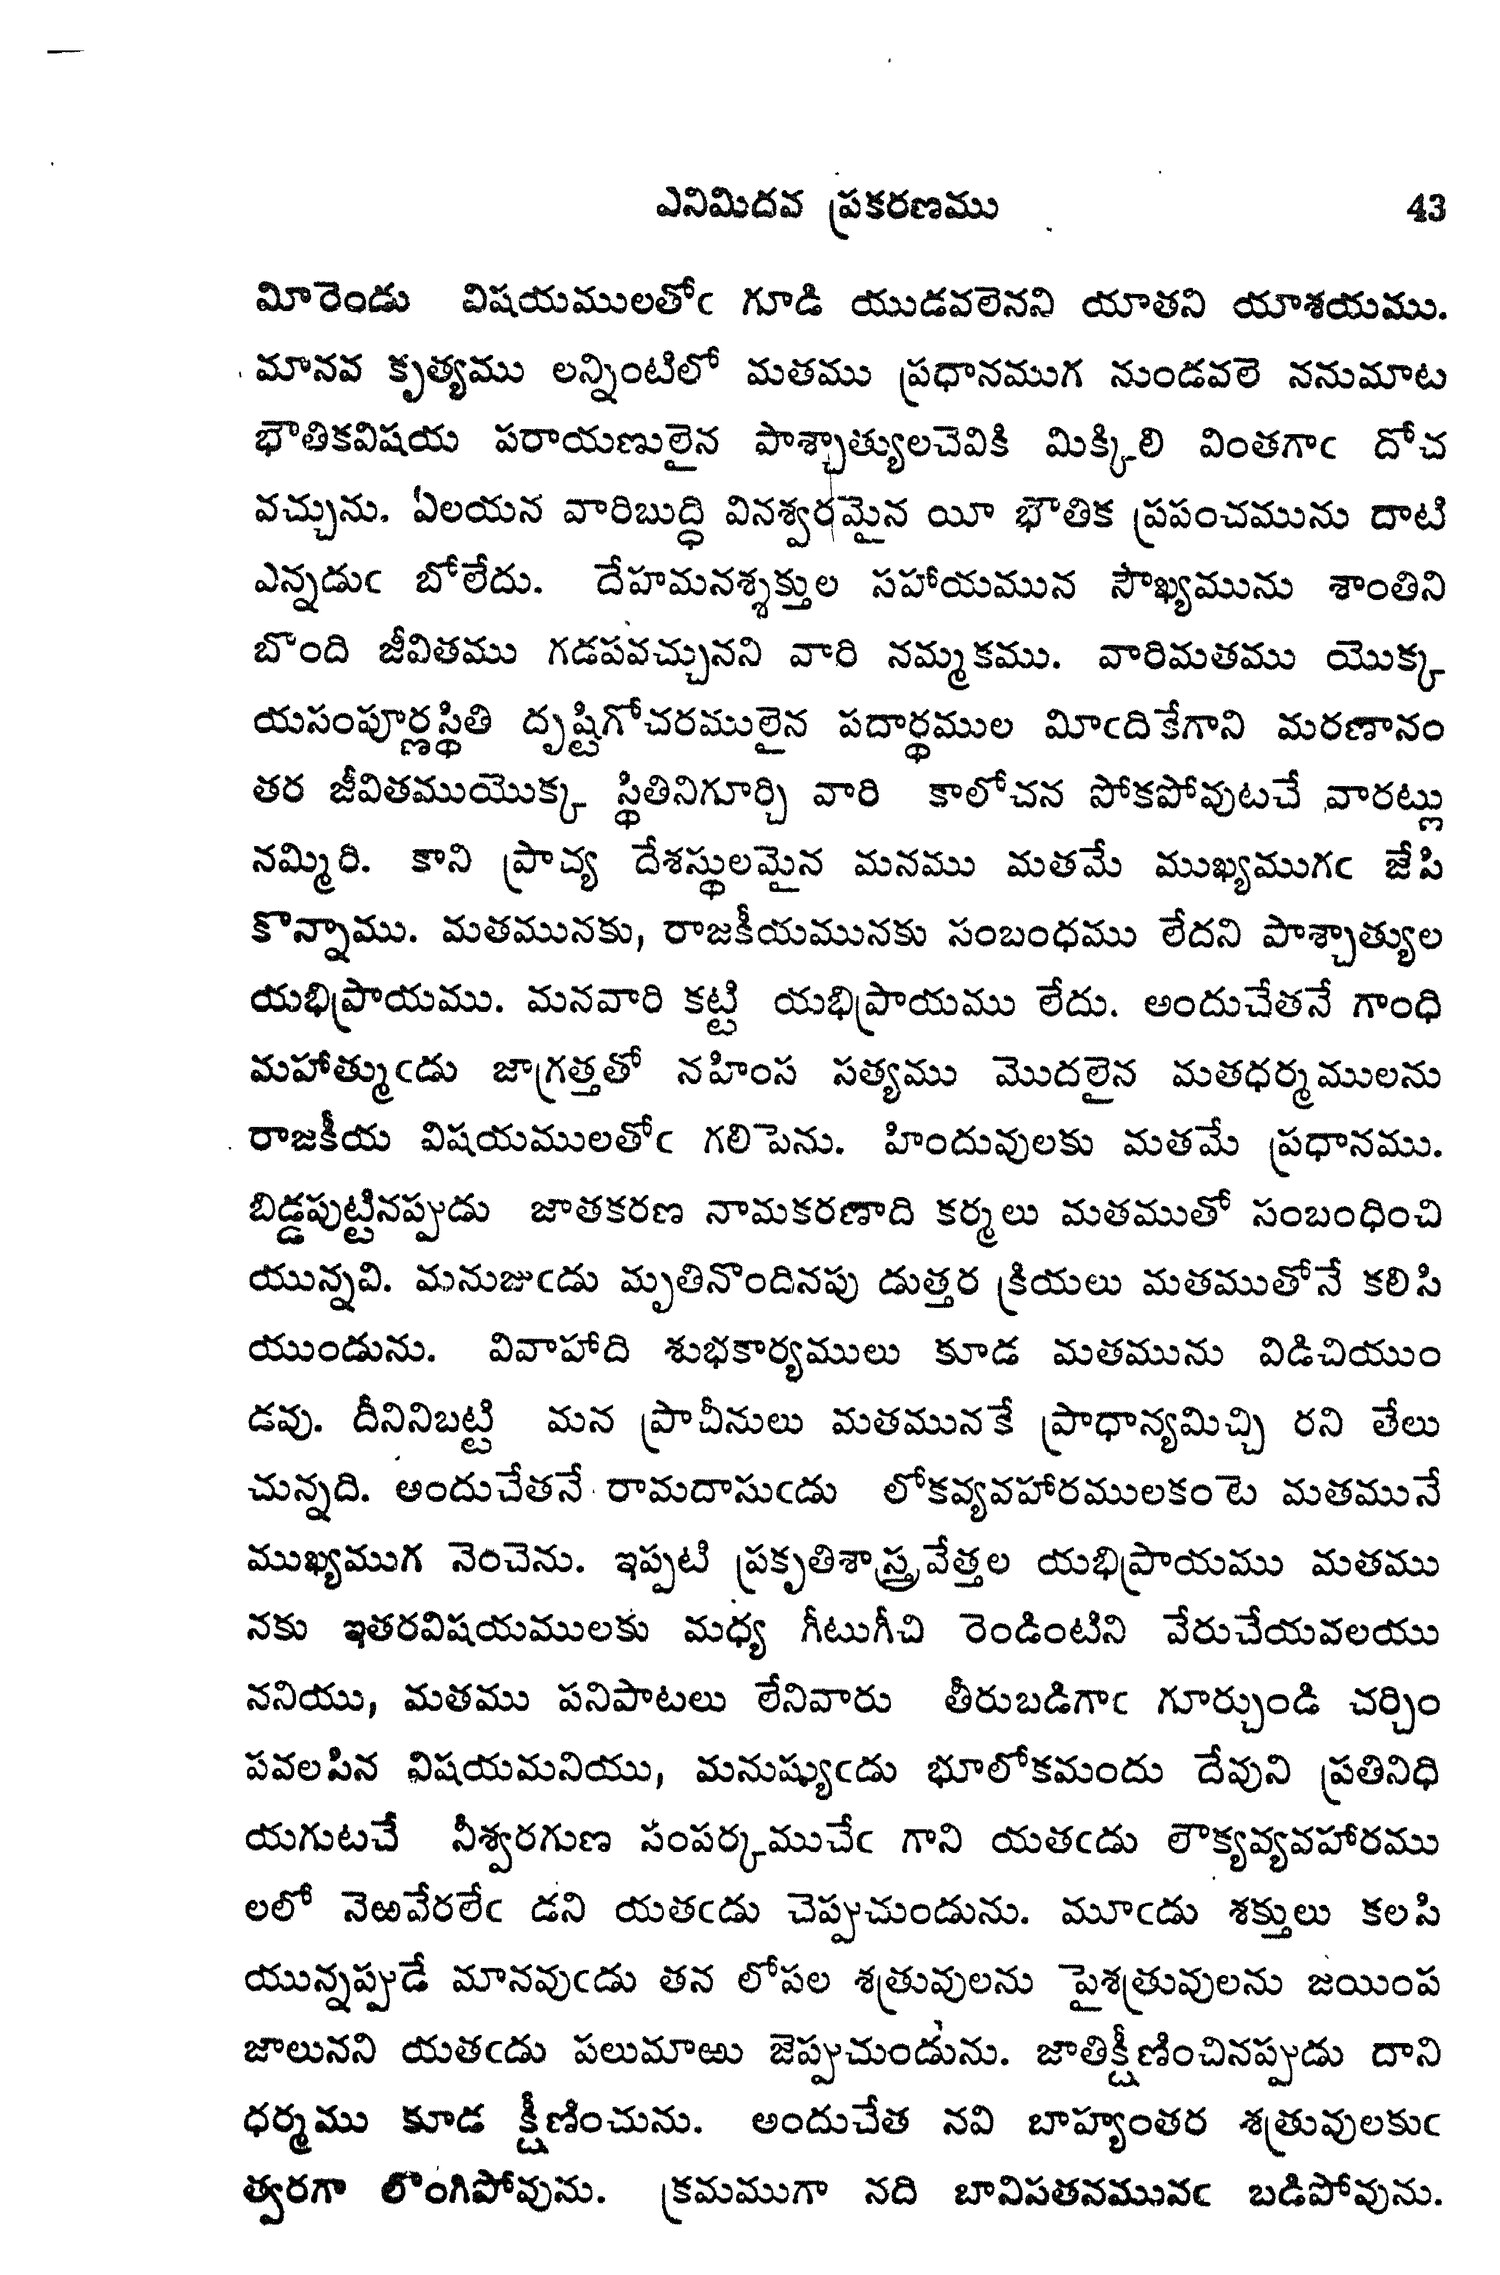మీరెండు విషయములతో గూడి యుండవలెనని యాతని యాశయము. మానవ కృత్యము లన్నింటిలో మతము ప్రధానముగ నుండవలె ననుమాట భౌతికవిషయ పరాయణులైన పాశ్చాత్యులచెవికి మిక్కిలి వింతగా దోచవచ్చును. ఏలయన వారిబుద్ధి వినశ్వరమైన యీ భౌతిక ప్రపంచమును దాటి ఎన్నడు బోలేదు. దేహమనశ్శక్తుల సహాయమున సౌఖ్యమును శాంతిని బొంది జీవితము గడపవచ్చునని వారి నమ్మకము. వారిమతము యొక్క యసంపూర్ణస్థితి దృష్టిగోచరములైన పదార్థముల మీదికేగాని మరణానంతర జీవితముయొక్క స్థితినిగూర్చి వారి కాలోచన పోకపోవుటచే వారట్లు నమ్మిరి. కాని ప్రాచ్య దేశస్థులమైన మనము మతమే ముఖ్యముగ జేసికొన్నాము. మతమునకు, రాజకీయమునకు సంబంధము లేదని పాశ్చాత్యుల యభిప్రాయము. మనవారి కట్టి యభిప్రాయము లేదు. అందుచేతనే గాంధి మహాత్ముడు జాగ్రత్తతో నహింస సత్యము మొదలైన మతధర్మములను రాజకీయ విషయములతో గలిపెను. హిందువులకు మతమే ప్రధానము. బిడ్డపుట్టినప్పుడు జాతకరణ నామకరణాది కర్మలు మతముతో సంబంధించి యున్నవి. మనుజుడు మృతినొందినపు డుత్తర క్రియలు మతముతోనే కలిసి యుండును. వివాహాది శుభకార్యములు కూడ మతమును విడిచియుండవు. దీనినిబట్టి మన ప్రాచీనులు మతమునకే ప్రాధాన్యమిచ్చి రని తేలుచున్నది. అందుచేతనే రామదాసుడు లోకవ్యవహారములకంటె మతమునే ముఖ్యముగ నెంచెను. ఇప్పటి ప్రకృతిశాస్త్రవేత్తల యభిప్రాయము మతమునకు ఇతరవిషయములకు మధ్య గీటుగీచి రెండింటిని వేరుచేయవలయుననియు, మతము పనిపాటులు లేనివారు తీరుబడిగా గూర్చుండి చర్చింపవలసిన విషయమనియు, మనుష్యుడు భూలోకమందు దేవుని ప్రతినిధియగుటచే నీశ్వరగుణ సంపర్కముచే గాని యతడు లౌక్యవ్యవహారములలో నెఱవేరలే డని యతడు చెప్పుచుండును. మూడు శక్తులు కలసి యున్నప్పుడే మానవుడు తన లోపల శత్రువులను పైశత్రువులను జయింపజాలునని యతడు పలుమాఱు జెప్పుచుండును. జాతిక్షీణించినప్పుడు దాని ధర్మము కూడ క్షీణించును. అందుచేత నవి బాహ్యంతర శత్రువులకు త్వరగా లొంగిపోవును. క్రమముగా నది బానిసతనమున బడిపోవును.